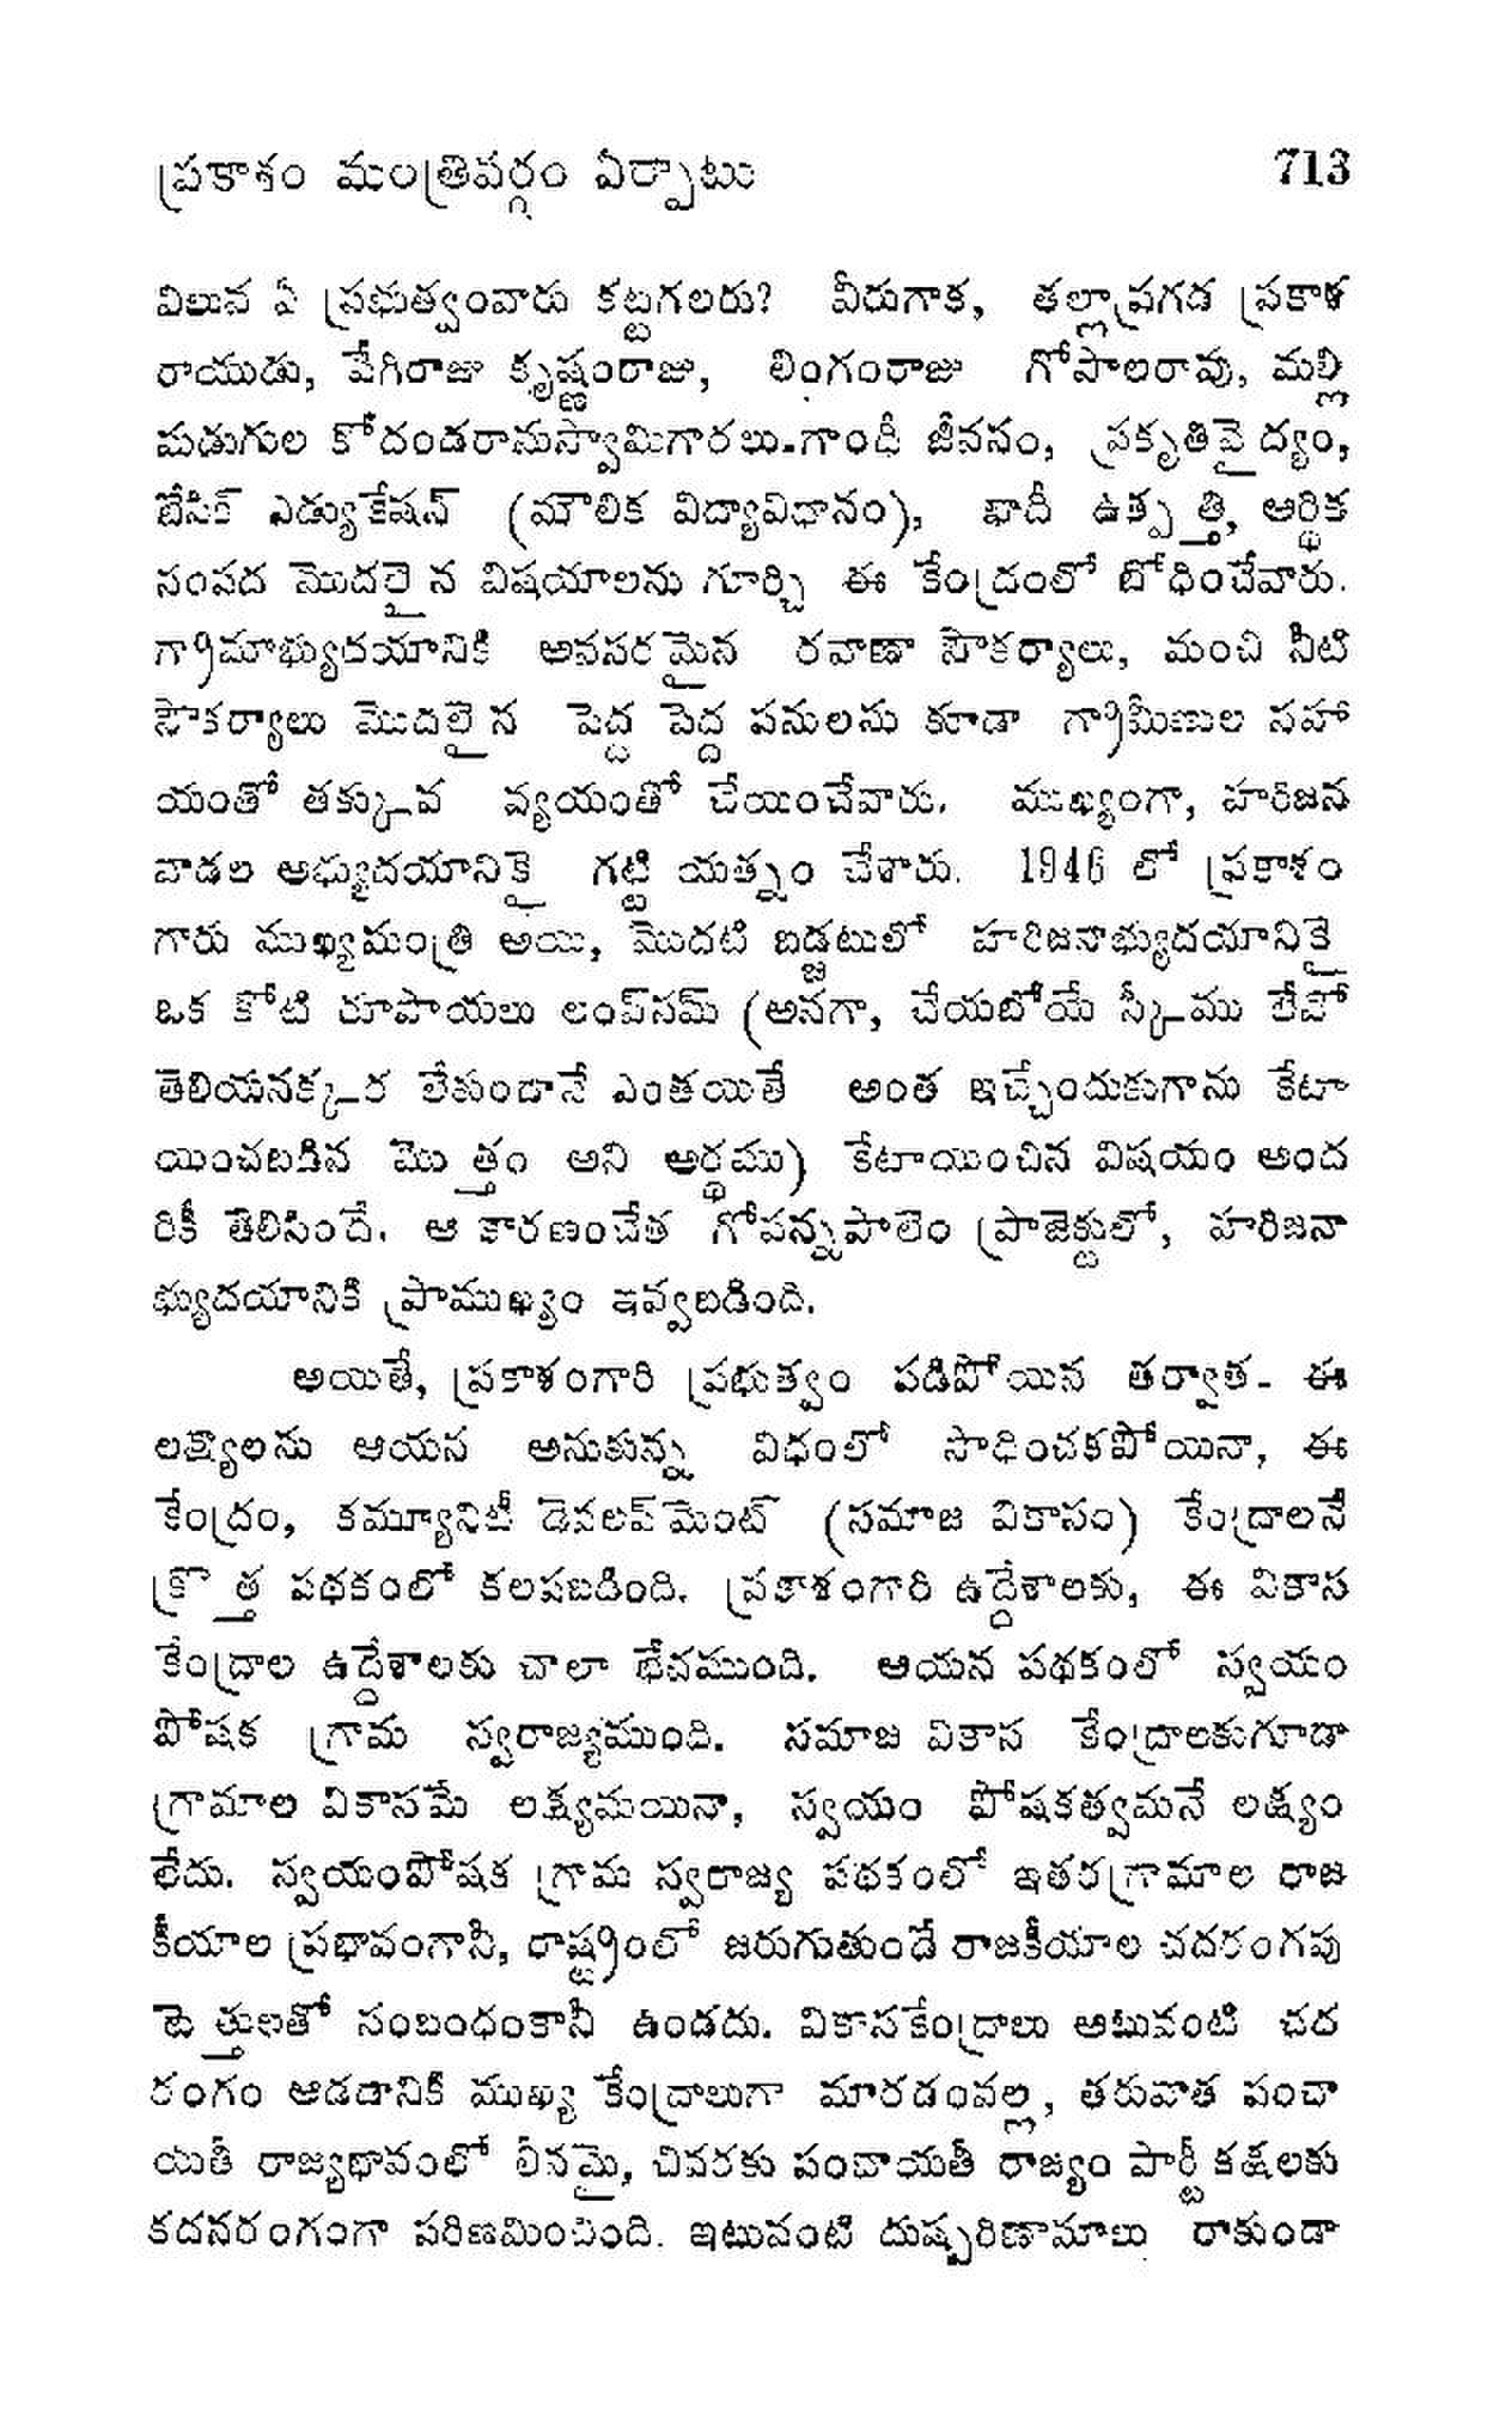విలువ ఏ ప్రభుత్వంవారు కట్టగలరు? వీరుగాక, తల్లాప్రగడ ప్రకాశరాయుడు, వేగిరాజు కృష్ణంరాజు, లింగంరాజు గోపాలరావు, మల్లిమడుగుల కోదండరామస్వామిగారలు-గాంధీ జీవనం, ప్రకృతివైద్యం, బేసిక్ ఎడ్యుకేషన్ (మౌలిక విద్యావిధానం), ఖాదీ ఉత్పత్తి, ఆర్థిక సంపద మొదలైన విషయాలను గూర్చి ఈ కేంద్రంలో బోధించేవారు. గ్రామాభ్యుదయానికి అవసరమైన రవాణా సౌకర్యాలు, మంచి నీటి సౌకర్యాలు మొదలైన పెద్ద పెద్ద పనులను కూడా గ్రామీణుల సహాయంతో తక్కువ వ్యయంతో చేయించేవారు. ముఖ్యంగా, హరిజన వాడల అభ్యుదయానికై గట్టి యత్నం చేశారు. 1946 లో ప్రకాశంగారు ముఖ్యమంత్రి అయి, మొదటి బడ్జటులో హరిజనాభ్యుదయయానికై ఒక కోటి రూపాయలు లంప్‌సమ్ (అనగా, చేయబోయే స్కీము లేవో తెలియనక్కర లేకుండానే ఎంతయితే అంత ఇచ్చేందుకుగాను కేటాయించబడిన మొత్తం అని అర్థము) కేటాయించిన విషయం అందరికీ తెలిసిందే. ఆ కారణంచేత గోపన్నపాలెం ప్రాజెక్టులో, హరిజనాభ్యుదయానికి ప్రాముఖ్యం ఇవ్వబడింది.

అయితే, ప్రకాశంగారి ప్రభుత్వం పడిపోయిన తర్వాత - ఈ లక్ష్యాలను ఆయన అనుకున్న విధంలో సాధించకపోయినా, ఈ కేంద్రం, కమ్యూనిటీ డెవలప్‌మెంట్ (సమాజ వికాసం) కేంద్రాలనే క్రొత్త పథకంలో కలపబడింది. ప్రకాశంగారి ఉద్దేశాలకు, ఈ వికాసకేంద్రాల ఉద్దేశాలకు చాలా భేదముంది. ఆయన పథకంలో స్వయం పోషక గ్రామ స్వరాజ్యముంది. సమాజ వికాస కేంద్రాలకుగూడా గ్రామాల వికాసమే లక్ష్యమయినా, స్వయం పోషకత్వమనే లక్ష్యం లేదు. స్వయంపోషక గ్రామ స్వరాజ్య పథకంలో ఇతరగ్రామాల రాజకీయాల ప్రభావంగానీ, రాష్ట్రంలో జరుగుతుండే రాజకీయాల చదరంగపుటెత్తులతో సంబంధంకానీ ఉండదు. వికాసకేంద్రాలు అటువంటి చదరంగం ఆడడానికి ముఖ్య కేంద్రాలుగా మారడంవల్ల, తరువాత పంచాయితీ రాజ్యభావంలో లీనమై, చివరకు పంచాయతీ రాజ్యం పార్టీ కక్షలకు కదనరంగంగా పరిణమించింది. ఇటువంటి దుష్పరిణామాలు రాకుండా